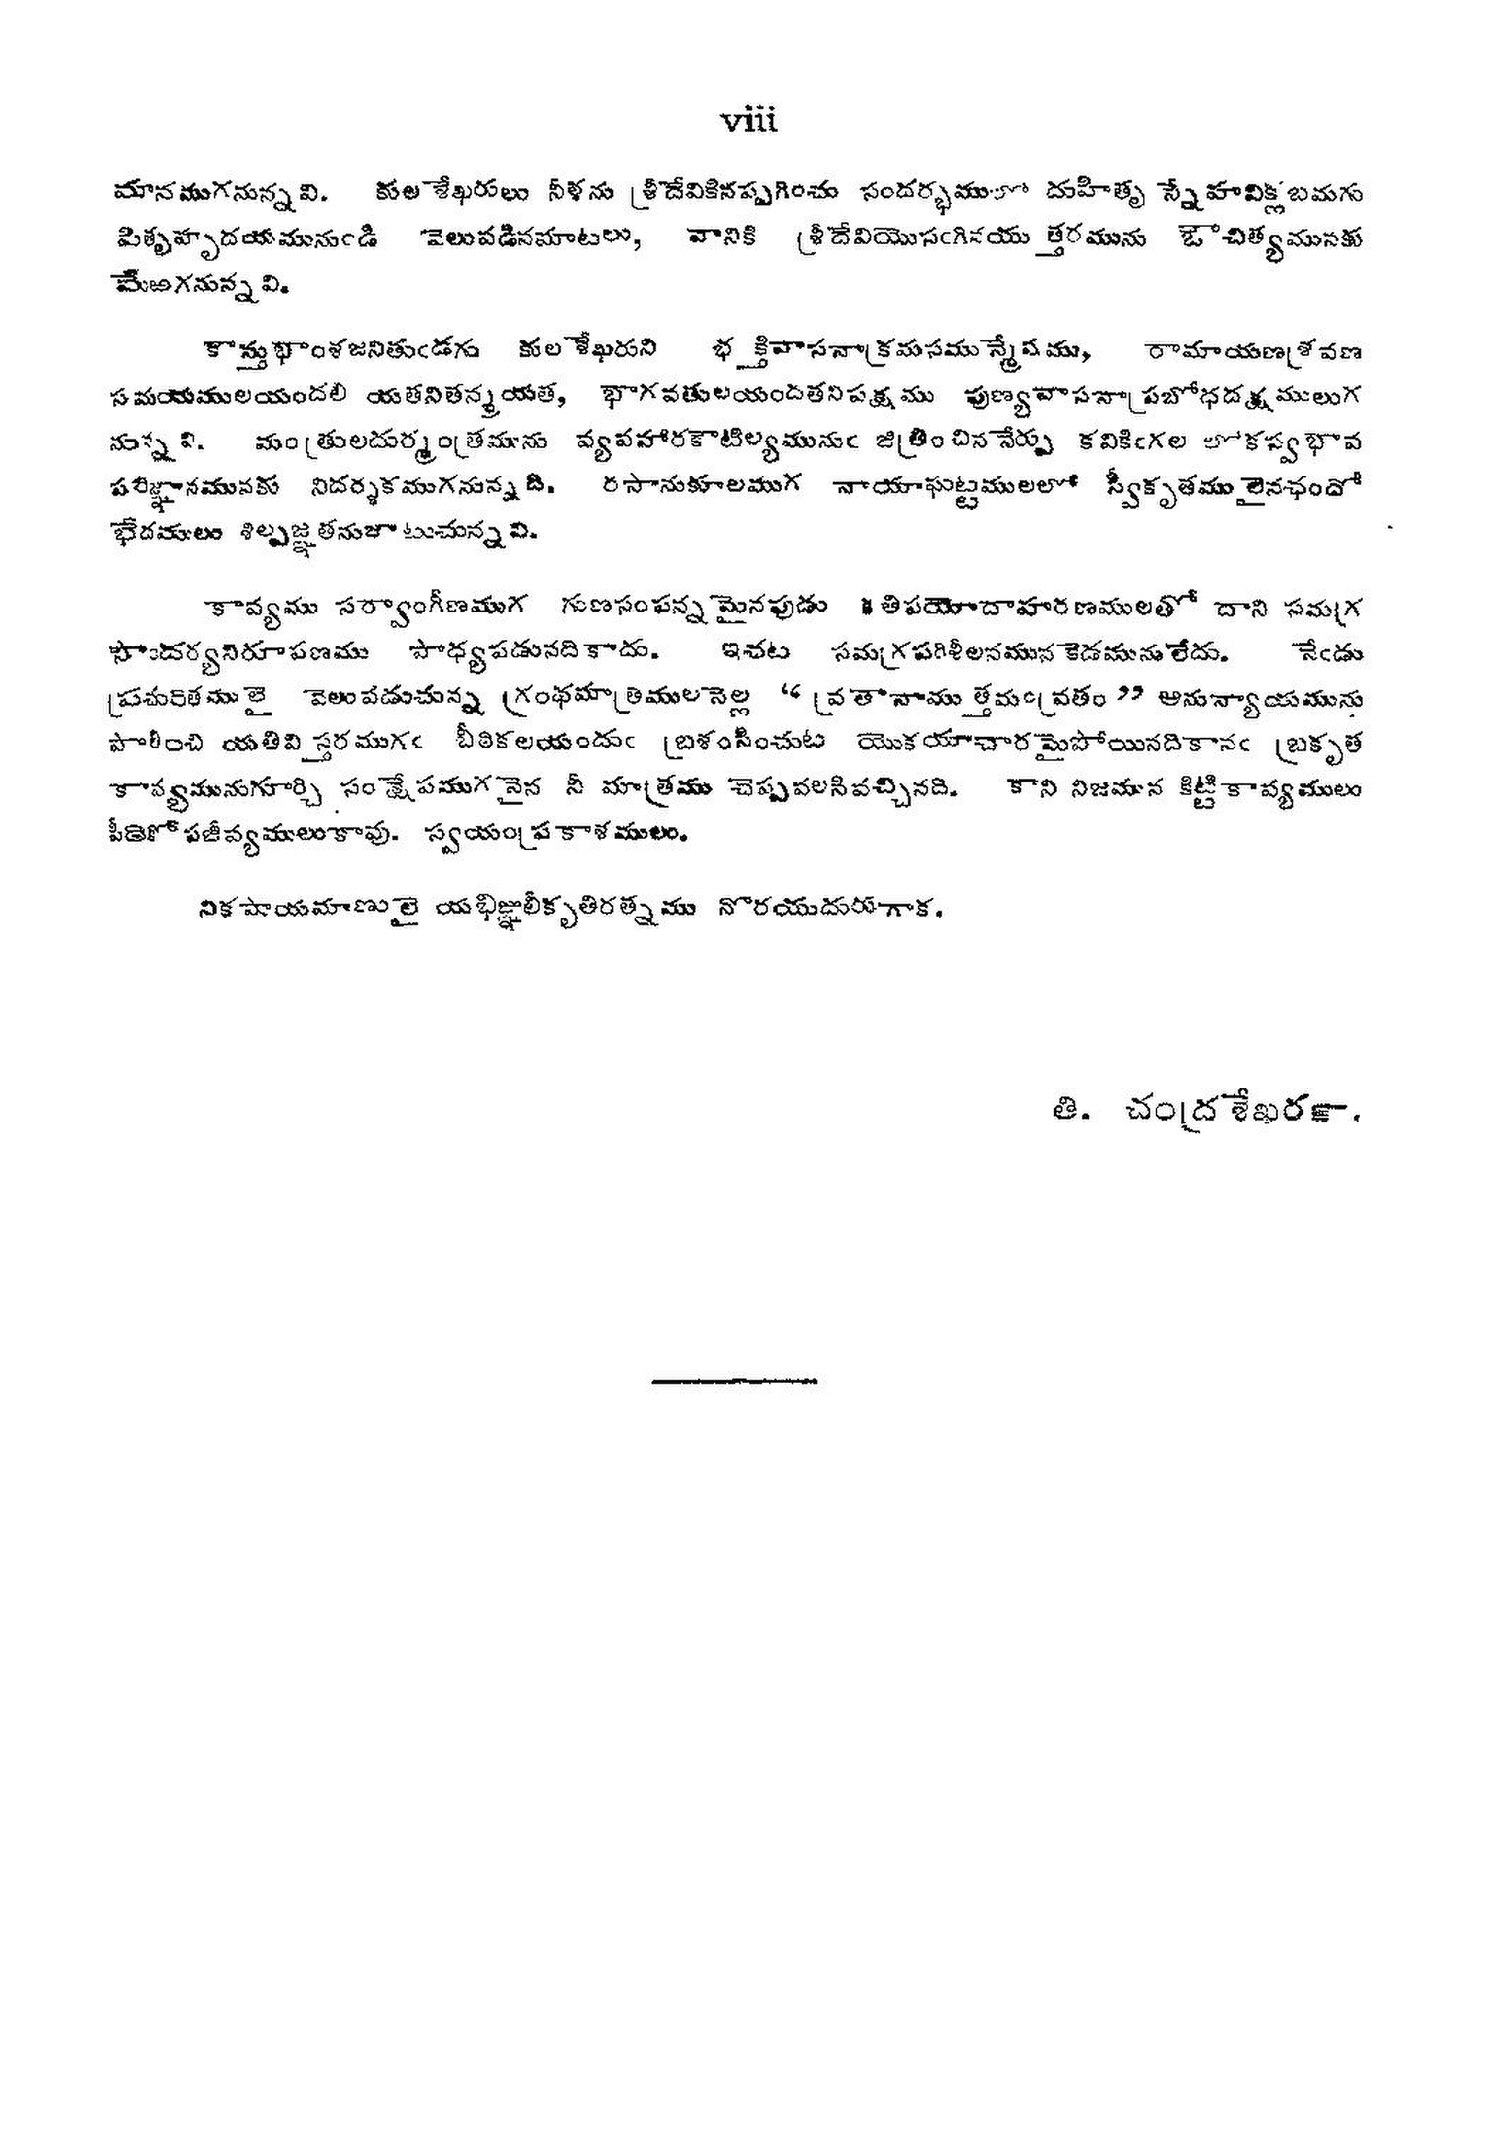మానముగనున్నవి. కులశేఖరులు నీళను శ్రీదేవికి నప్పగించు సందర్భములో దుహితృ స్నేహావిక్లబమగు పితృహృదయమునుఁడి వెలువడినమాటలు, వానికి శ్రీదేవి యొసఁగినయుత్తరమును ఔచిత్యమునకు మేఱుగ నున్నవి.

కౌస్తుభాంశజనితుఁడగు కులశేఖరుని భక్తివాసనాక్రమసమున్మేషము, రామాయణశ్రవణసమయములయందలి యతనితన్మయత, భాగవతులయం దతని పక్షము పుణ్యవాసనాప్రబోధదక్షములుగ నున్నది. మంత్రులదుర్మంత్రమును వ్యవహారకౌటిల్యమునుఁ జిత్రించిన నేర్పు కవికిఁ గల లోకస్వభావపరిజ్ఞానమునకు నిదర్శకముగ నున్నది. రసానుకూలముగ నాయఘట్టములలో స్వీకృతము లైనఛందోభేదములు శిల్పజ్ఞతను జాటుచున్నవి.

కావ్యము సర్వాంగీణముగ గుణసంపన్నమైనపుడు కతిపయోదాహరణములతో దాని సమగ్రసౌందర్యనిరూపణము సాధ్యపడునది కాదు. సమగ్రపరిశీలనమున కెడమును లేదు. ప్రచురితములై వెలువడుచున్న గ్రంథమాత్రములనెల్ల "వ్రతానా ముత్తమం వ్రతం" అను న్యాయమును పాలించి యతివిస్తరముగఁ బీఠికలయందుఁ బ్రశంసించుట యొకయాచార మైపోయినది కానఁ బ్రకృతకావ్యమును గూర్చి సంక్షేపముగ నైన నీమాత్రము చెప్పవలసి వచ్చినది. కాని నిజమన కిట్టికావ్యములు పీఠిగోపజీవ్యములు కావు. స్వయంప్రకాశములు.

నికషాయమాణులై యభిజ్ఞు లీకృతిరత్నము నొరయుదురు గాక.